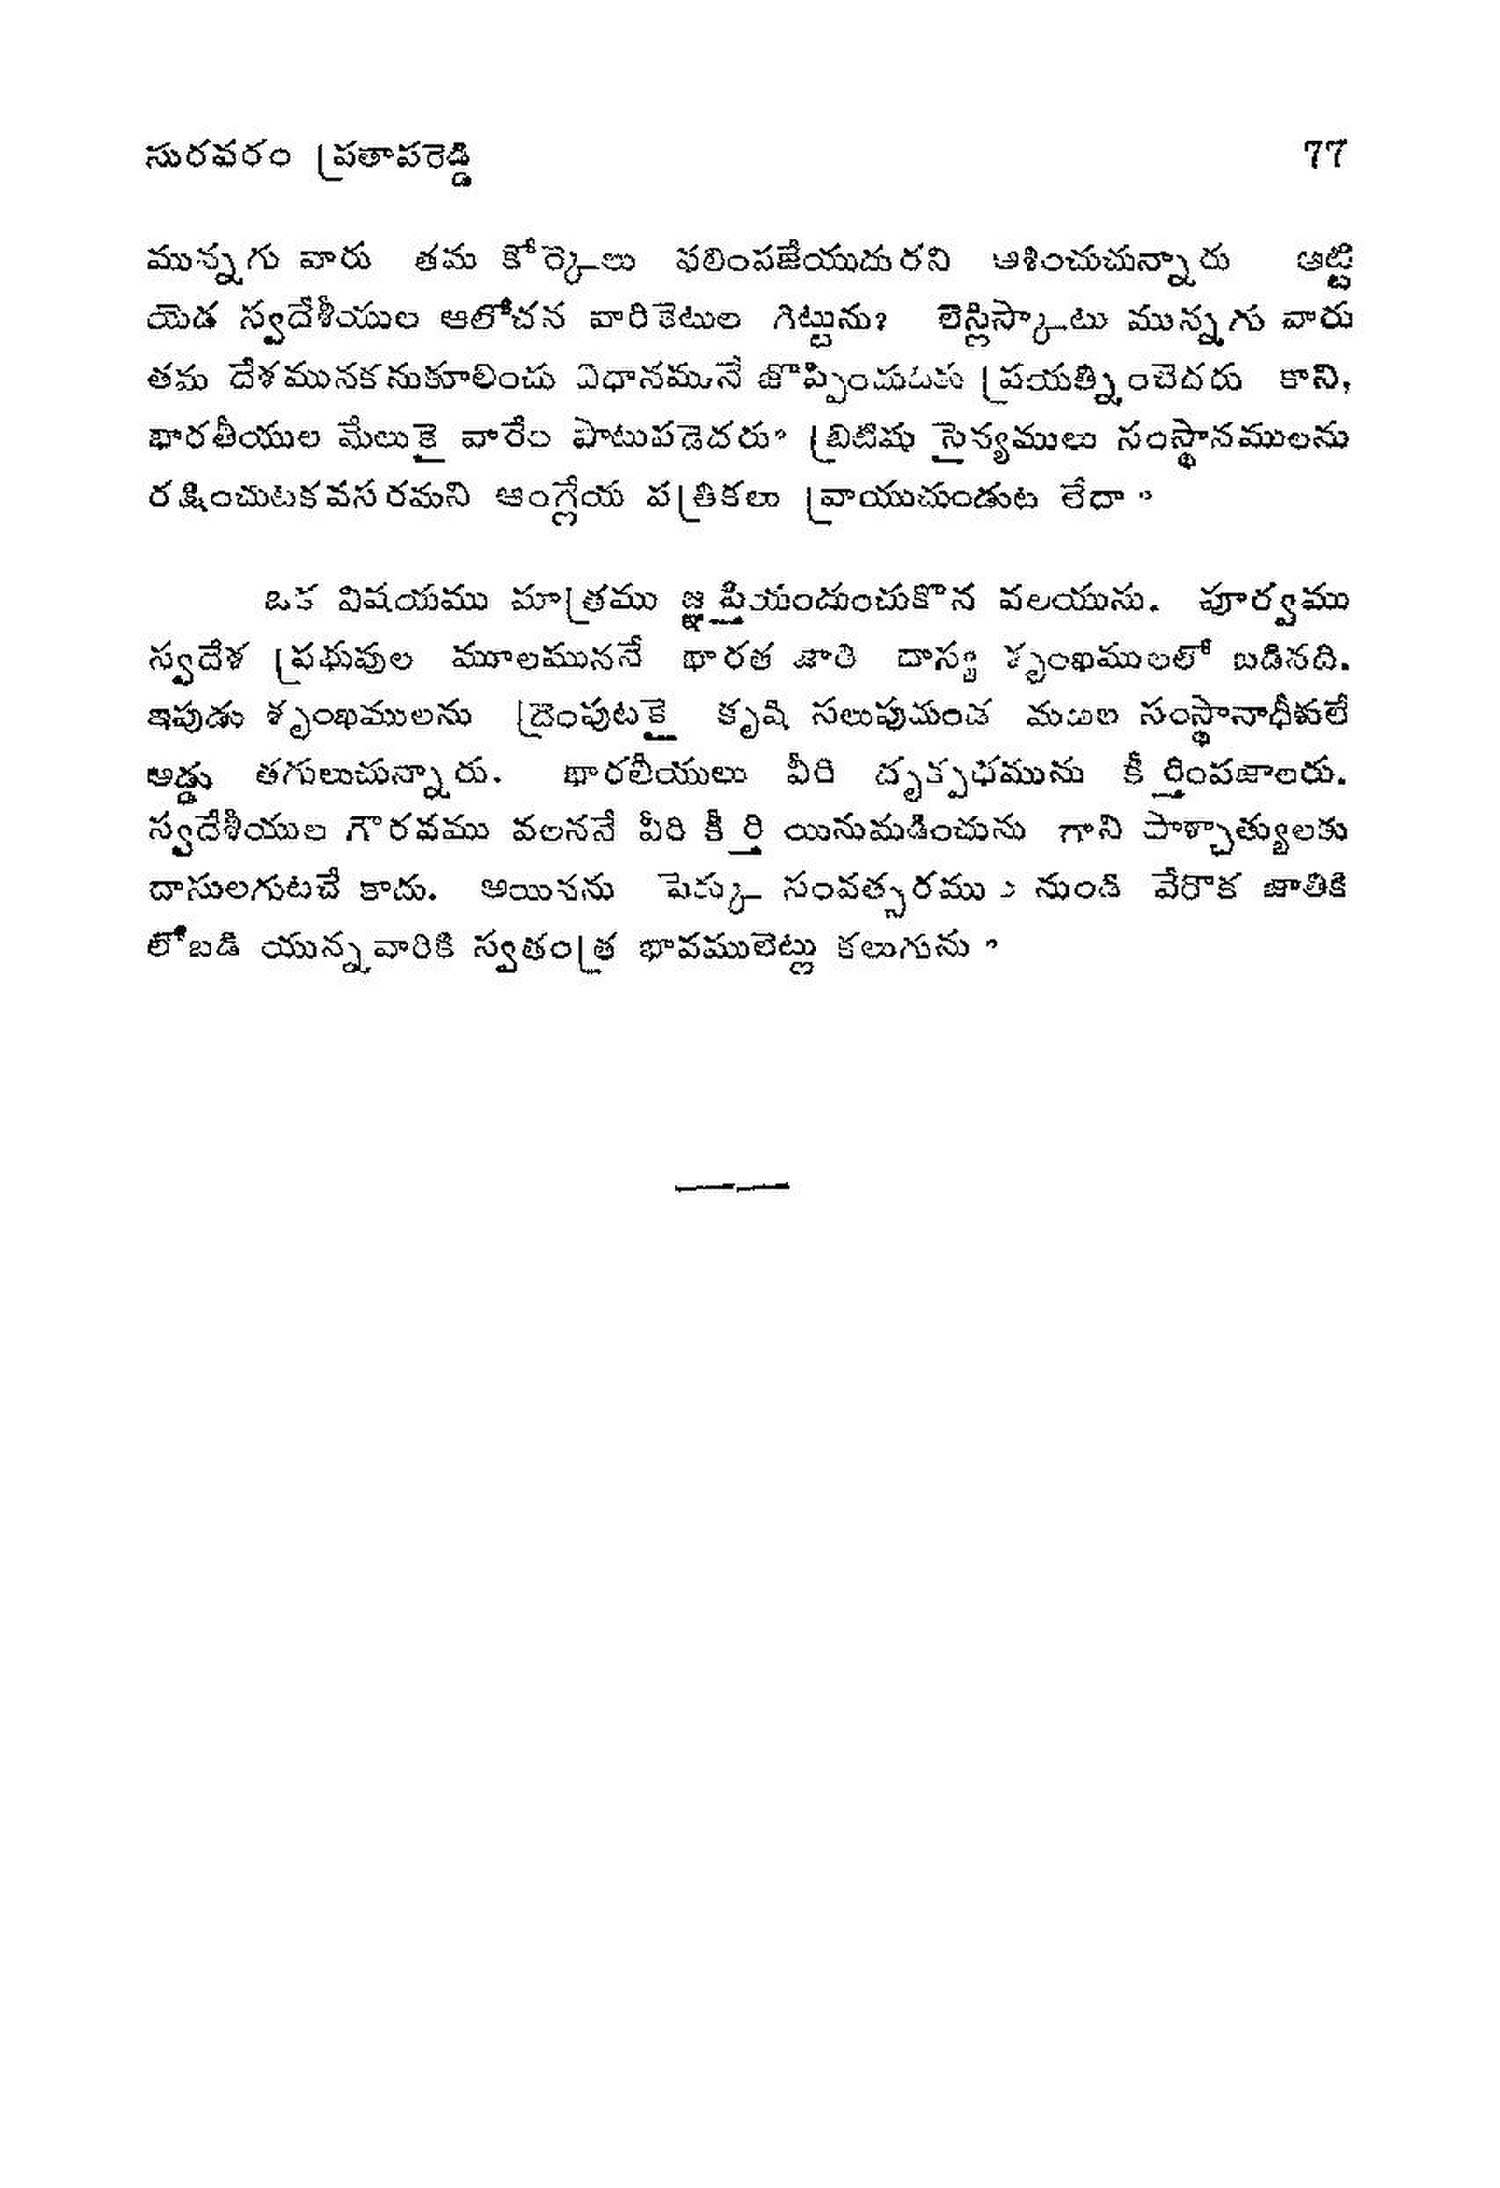మున్నగు వారు తమ కోర్కెలు ఫలింపజేయుదురని ఆశించుచున్నారు అట్టి యెడ స్వదేశీయుల ఆలోచన వారికెటుల గిట్టును? లెస్లిస్కాటు మున్నగు వారు తమ దేశమునకనుకూలించు విధానమునే జొప్పించుటకు ప్రయత్నించెదరు కాని, భారతీయుల మేలుకై వారేల పాటుపడెదరు? బ్రిటిషు సైన్యములు సంస్థానములను రక్షించుటకవసరమని ఆంగ్లేయ పత్రికలు వ్రాయుచుండుట లేదా?

ఒక విషయము మాత్రము జ్ఞప్తియందుంచుకొన వలయును. పూర్వము స్వదేశ ప్రభువుల మూలముననే భారత జాతి దాస్య శృంఖములలో బడినది. ఇపుడు శృంఖములను ద్రెంపుటకై కృషి సలుపుచుండ మఱల సంస్థానాధీశులే
అడ్డు తగులుచున్నారు. భారతీయులు వీరి దృక్పధమును కీర్తింపజాలరు. స్వదేశీయుల గౌరవము వలననే వీరి కీర్తి యినుమడించును గాని పాశ్చాత్యులకు దాసులగుటచే కాదు. అయినను పెక్కు సంవత్సరముల నుండి వేరొక జాతికి
లోబడి యున్నవారికి స్వతంత్ర భావములెట్లు కలుగును ?